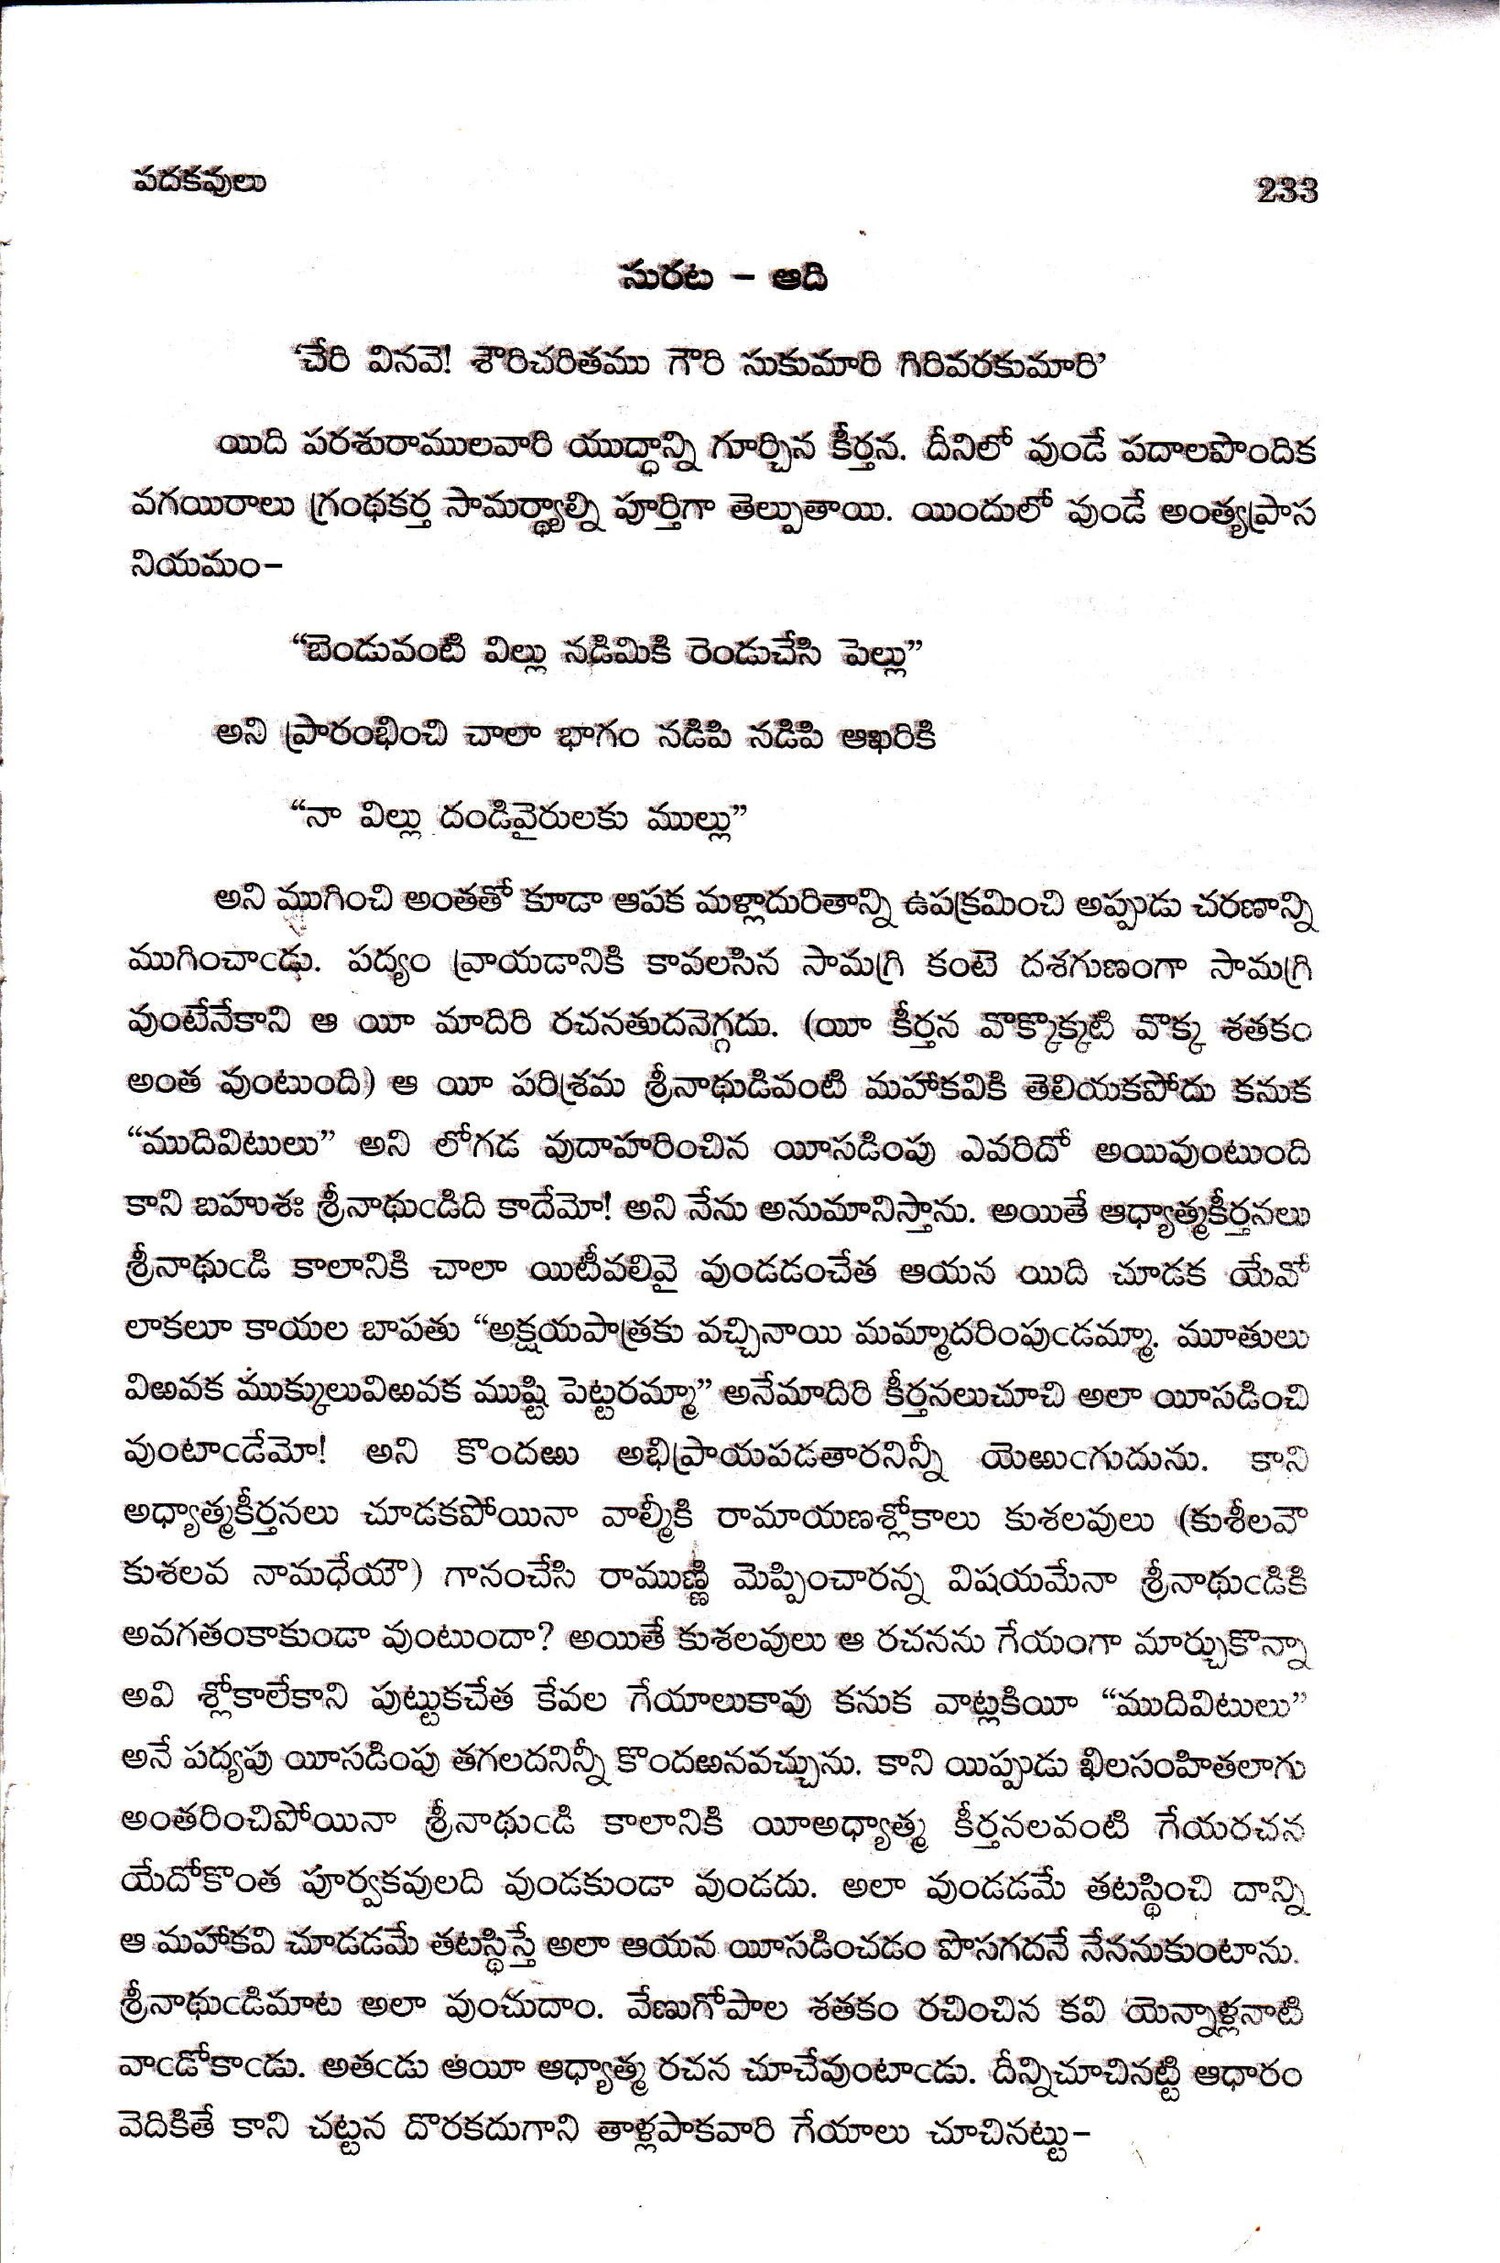'చేరి వినవె శౌరిచరితము గౌరి సుకుమారి గిరివరకుమారి'
యిది పరశురాములవారి యుద్ధాన్ని గూర్చిన కీర్తన. దీనిలో వుండే పదాలపొందిక వగయిరాలు గ్రంథకర్త సామర్థ్యాల్ని పూర్తిగా తెల్పుతాయి. యిందులో వుండే అంత్యప్రాస నియమం

“బెండువంటి విల్లు నడిమికి రెండుచేసి పెల్లు"

అని ప్రారంభించి చాలా భాగం నడిపి నడిపి ఆఖరికి

“నా విల్లు దండివైరులకు ముల్లు"
అని ముగించి అంతతో కూడా ఆపక మళ్లాదురితాన్ని ఉపక్రమించి అప్పుడు చరణాన్ని ముగించాఁడు. పద్యం వ్రాయడానికి కావలసిన సామగ్రి కంటె దశగుణంగా సామగ్రి వుంటేనేకాని ఆ యీ మాదిరి రచనతుదనెగ్గదు. (యీ కీర్తన వొక్కొక్కటి వొక్క శతకం అంత వుంటుంది) ఆ యీ పరిశ్రమ శ్రీనాథుడివంటి మహాకవికి తెలియకపోదు కనుక “ముదివిటులు” అని లోగడ వుదాహరించిన యీసడింపు ఎవరిదో అయివుంటుంది కాని బహుశః శ్రీనాథుఁడిది కాదేమో! అని నేను అనుమానిస్తాను. అయితే ఆధ్యాత్మకీర్తనలు శ్రీనాథుఁడి కాలానికి చాలా యిటీవలివై వుండడంచేత ఆయన యిది చూడక యేవో లాకలూ కాయల బాపతు "అక్షయపాత్రకు వచ్చినాయి మమ్మాదరింపుఁడమ్మా మూతులు విఱవక ముక్కులువిఱవక ముష్టి పెట్టరమ్మా" అనేమాదిరి కీర్తనలుచూచి అలా యీసడించి వుంటాఁడేమో! అని కొందఱు అభిప్రాయపడతారనిన్నీ యెఱుఁగుదును. కాని అధ్యాత్మకీర్తనలు చూడకపోయినా వాల్మీకి రామాయణశ్లోకాలు కుశలవులు (కుశీలవౌ కుశలవ నామధేయౌ) గానంచేసి రాముణ్ణి మెప్పించారన్న విషయమేనా శ్రీనాథుఁడికి అవగతంకాకుండా వుంటుందా? అయితే కుశలవులు ఆ రచనను గేయంగా మార్చుకొన్నా అవి శ్లోకాలేకాని పుట్టుకచేత కేవల గేయాలుకావు కనుక వాట్లకియీ "ముదివిటులు అనే పద్యపు యీసడింపు తగలదనిన్నీ కొందఱనవచ్చును. కాని యిప్పుడు ఖిలసంహితలాగు అంతరించిపోయినా శ్రీనాథుఁడి కాలానికి యీఅధ్యాత్మ కీర్తనలవంటి గేయరచన యేదోకొంత పూర్వకవులది వుండకుండా వుండదు. అలా వుండడమే తటస్థించి దాన్ని ఆ మహాకవి చూడడమే తటస్థిస్తే అలా ఆయన యీసడించడం పొసగదనే నేననుకుంటాను. శ్రీనాథుఁడిమాట అలా వుంచుదాం. వేణుగోపాల శతకం రచించిన కవి యెన్నాళ్లనాటి వాఁడోకాఁడు. అతఁడు ఆయీ ఆధ్యాత్మ రచన చూచేవుంటాఁడు. దీన్నిచూచినట్టి ఆధారం వెదికితే కాని చట్టన దొరకదుగాని తాళ్లపాకవారి గేయాలు చూచినట్టు